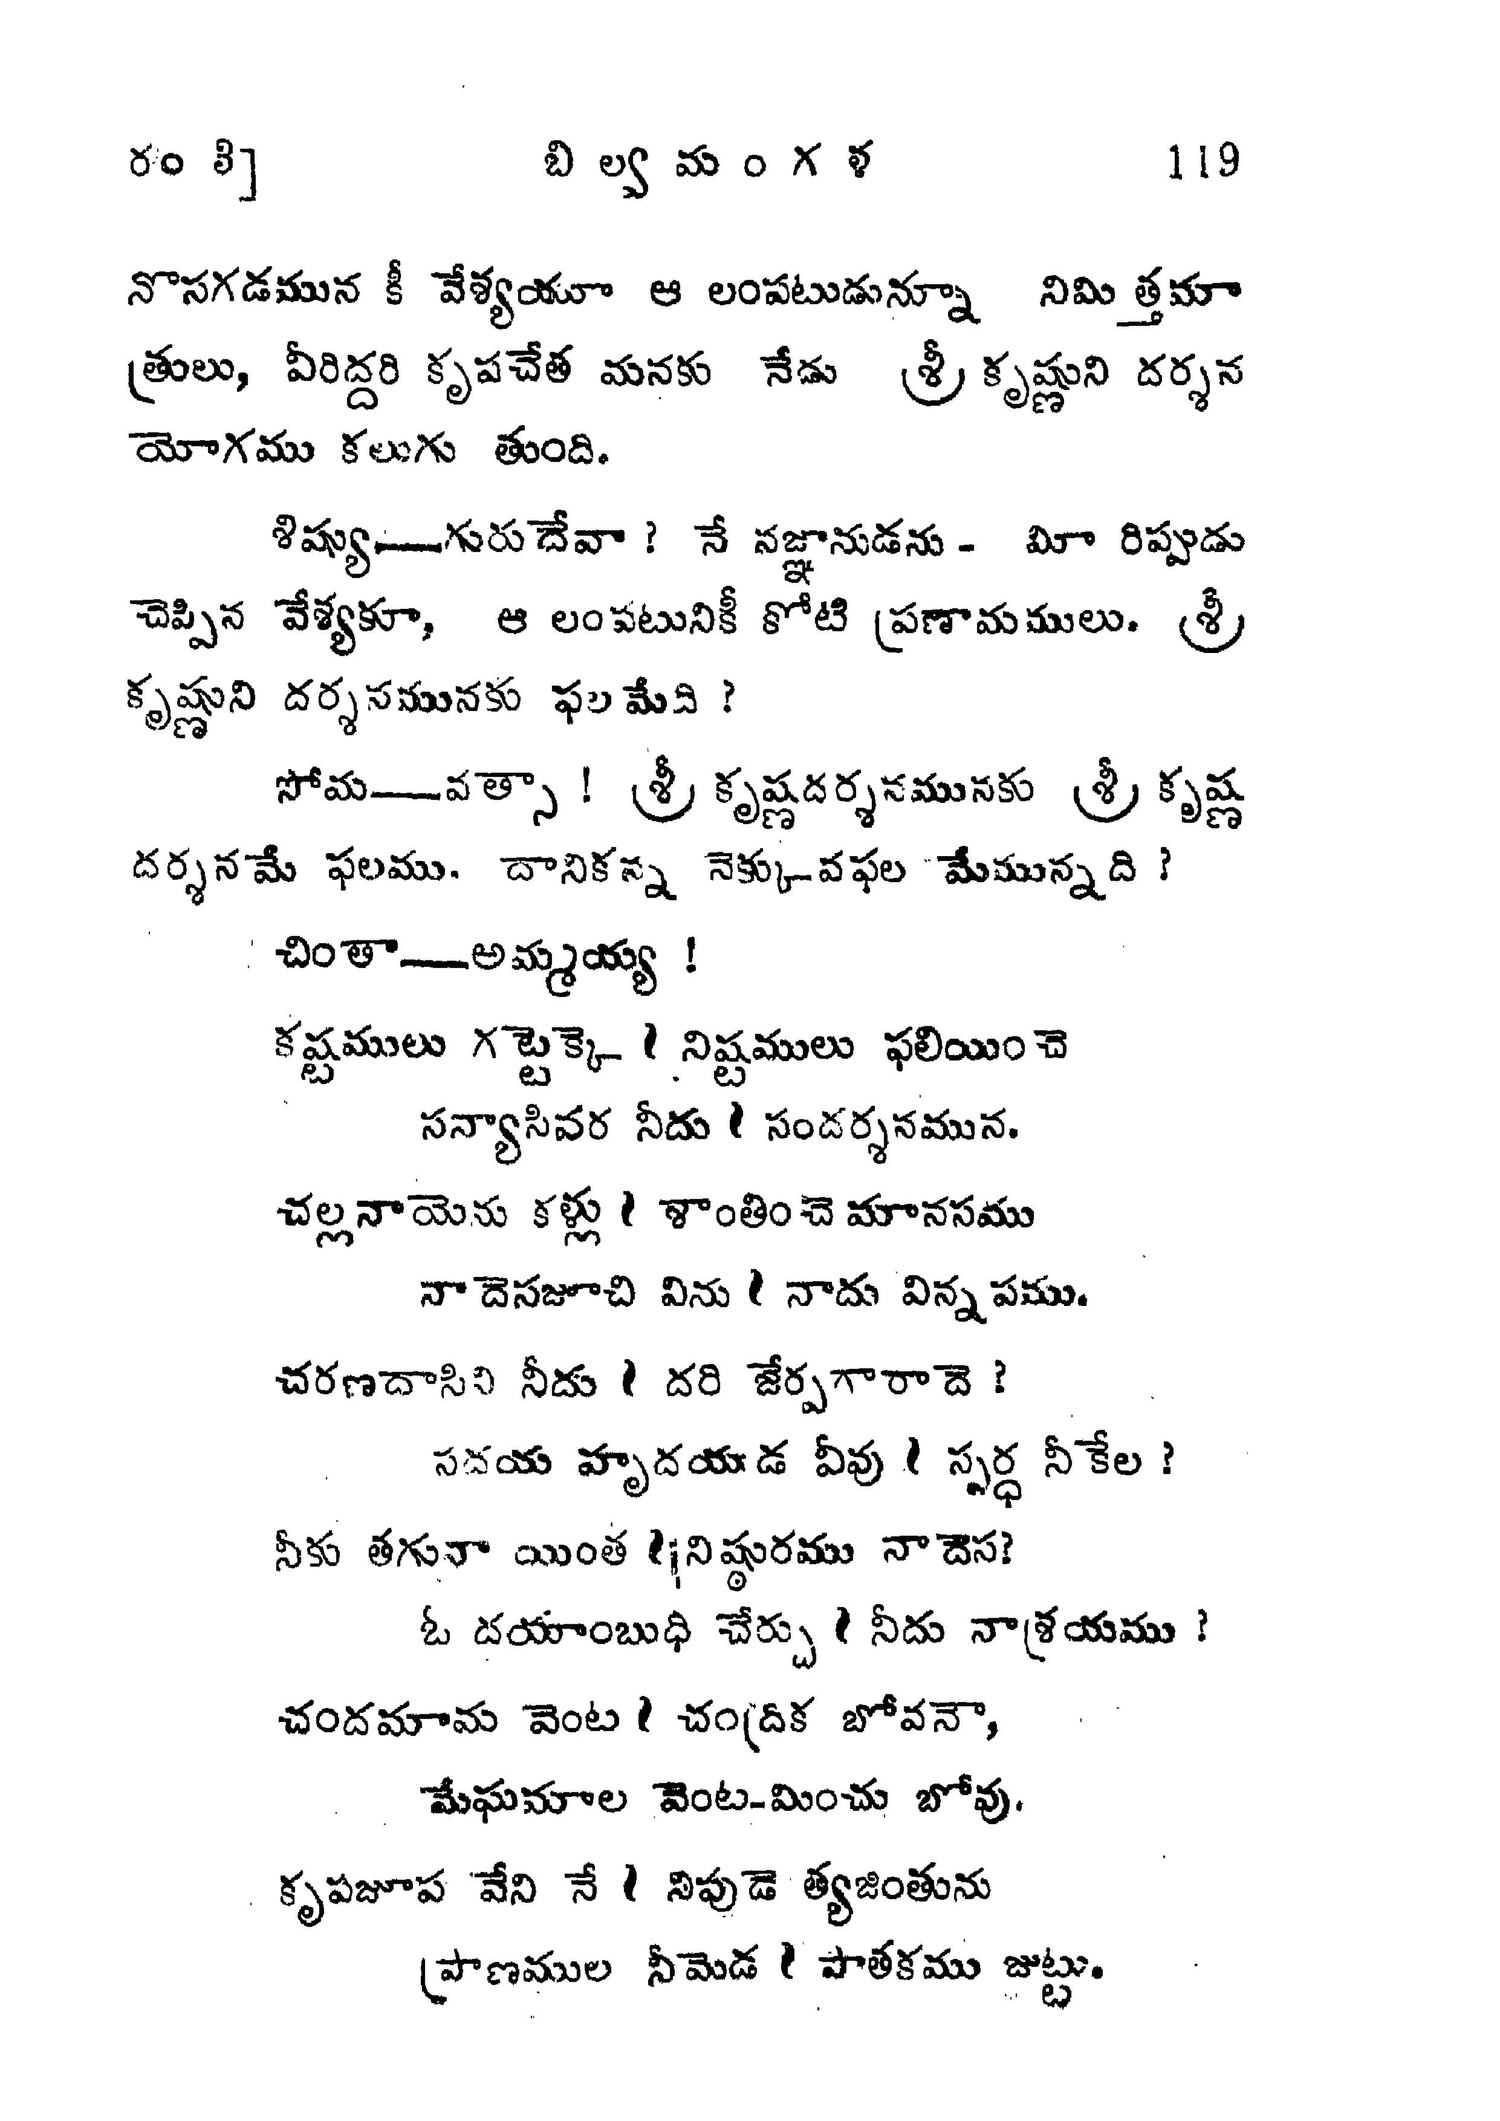నొసగడమున కీ వేశ్యయూ ఆ లంపటుడున్నూ నిమిత్తమాత్రులు, వీరిద్దరి కృపచేత మనకు నేడు శ్రీకృష్ణుని దర్శన యోగము కలుగు తుంది.

శిష్యు - గురుదేవా ? నే నజ్ఞానుడను - మీ రిప్పుడు చెప్పిన వేశ్యకూ, ఆ లంపటునికీ కోటి ప్రణామములు. శ్రీ కృష్ణుని దర్శనమునకు ఫలమేది?

సోమ - వత్సా ! శ్రీ కృష్ణదర్శనమునకు శ్రీ కృష్ణ దర్శనమే ఫలము. దానికన్న నెక్కువఫల మేమున్నది?

చింతా - అమ్మయ్య!

 కష్టములు గట్టెక్కె ♦ నిష్టములు ఫలియించె
 సన్యాసివర నీదు ♦ సందర్శనమున.
 చల్లనాయెను కళ్లు ♦ శాంతించె మానసము
 నాదెసజూచి విను ♦ నాదు విన్నపము.
 చరణదాసిని నీదు ♦ దరి జేర్పగారాదె?
 సదయ హృదయుడ వీవు ♦ స్పర్ధ నీకేల?
 నీకు తగునా యింత ♦ నిష్ఠురము నా దెస?
 ఓ దయాంబుధి చేర్చు ♦ నీదు నాశ్రయము ?
 చందమామ వెంట ♦ చంద్రిక బోవనౌ,
 మేఘమాల వెంట-మించు బోవు.
 కృపజూప వేని నే ♦ నిపుడె త్యజింతును
 ప్రాణముల నీమెడ ♦ పాతకము జుట్టు.